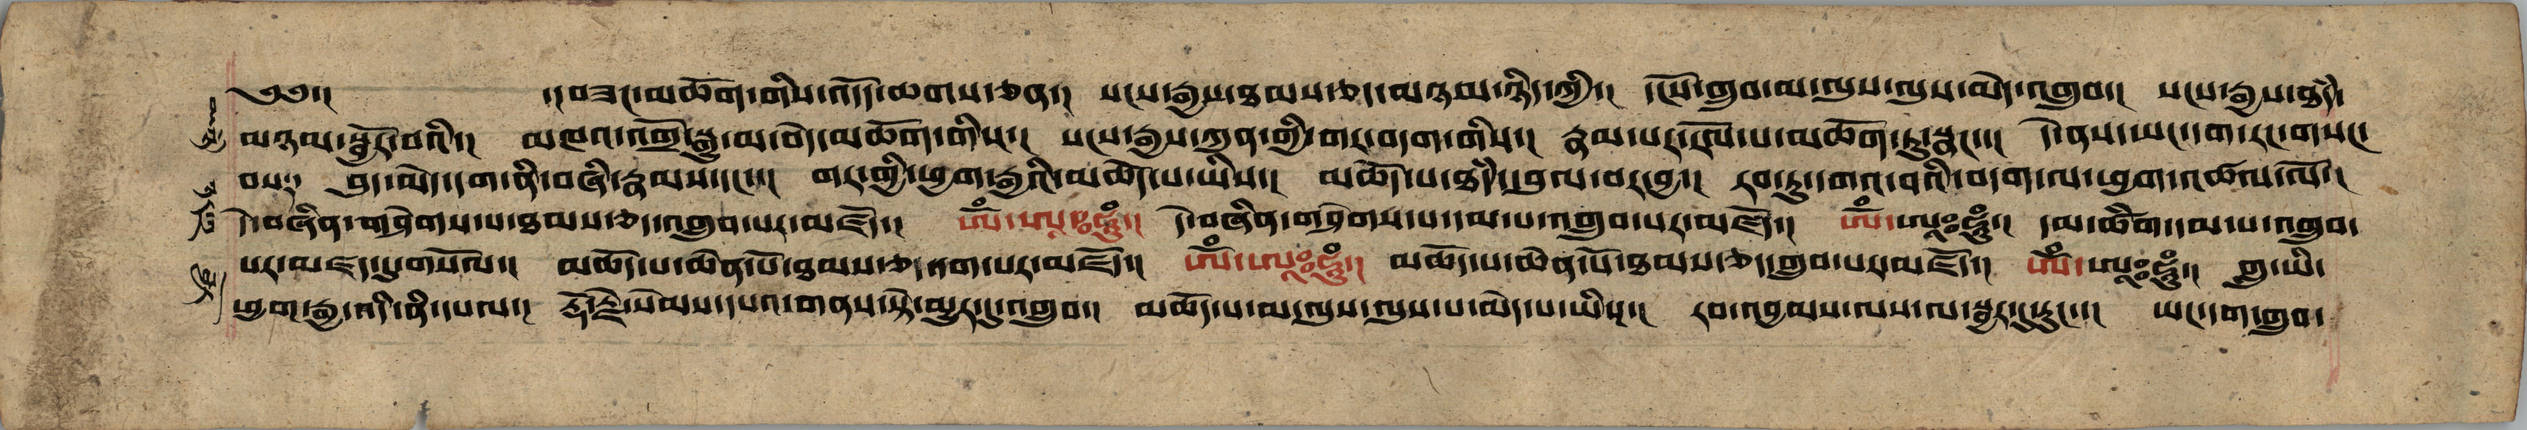༄༅་། ་།བཟང་མཆོག་གིས་འདོད་ཆགས་ཅན་། སངས་རྒྱས་ཐམས་ཅད་མཉམ་ཉིད་ཀྱི་། དངོས་གྲུབ་མ་ལུས་ལུས་མེད་འགྲུབ་། སངས་རྒྱས་ཐཾད་
མཉམ་སྦྱོར་བའི་། མཁའ་འགྲོ་སྒྱུ་མ་བདེ་མཆོག་གིས་། སངས་རྒྱས་ཀུན་གྱི་གར་བདག་གིས་། རྣམ་པར་རོལ་པ་མཆོག་ཏུ་སྣང་་། དེ་ནས་ཡང་དག་རང་གསང་
བས༑ བུད་མེད་དག་ནི་བཞི་རྣམས་དང་་། གར་གྱི་ཕྱག་རྒྱའི་མཆོད་པ་ཡིས་། མཆོད་པ་ཐཾད་དབུལ་བར་བྱ་། རབ་ཏུ་དགའ་བའི་བདག་ལ་ཕྱག་འཚལ་ལོ་།
དེ་བཞིན་གཤེགས་པ་ཐམས་ཅད་འགྲུབ་པར་མཛོད་། ཨོཾ་ཨཱཿཧཱུཾ་། དེ་བཞིན་གཤེགས་པ་དམ་པ་འགྲུབ་པར་མཛོད་། ཨོཾ་ཨཱཿཧཱུཾ་། དམ་ཚིག་དམ་པ་འགྲུབ་
པར་མཛད་དུ་གསོལ་། མཆོད་པ་ཆེན་པོ་ཐམས་ཅད་དག་པར་མཛོད་། ཨོཾ་ཨཱཿཧཱུཾ་། མཆོད་པ་ཆེན་པོ་ཐམས་ཅད་གྲུབ་པར་མཛོད་། ཨོཾ་ཨཱཿཧཱུཾ་། གླུ་ཡི་
ཕྱག་རྒྱ་འདི་ནི་དཔལ་། རྡོ་རྗེ་སེམས་དཔའ་གནས་སྟེ་མྱུར་དུ་འགྲུབ་། མཆོད་པ་མ་ལུས་ལུས་པ་མེད་པ་ཡིས་། རབ་འབྱམས་ལས་ལ་སྦྱར་དུ་རུང་་། ཡང་དག་གྲུབ་